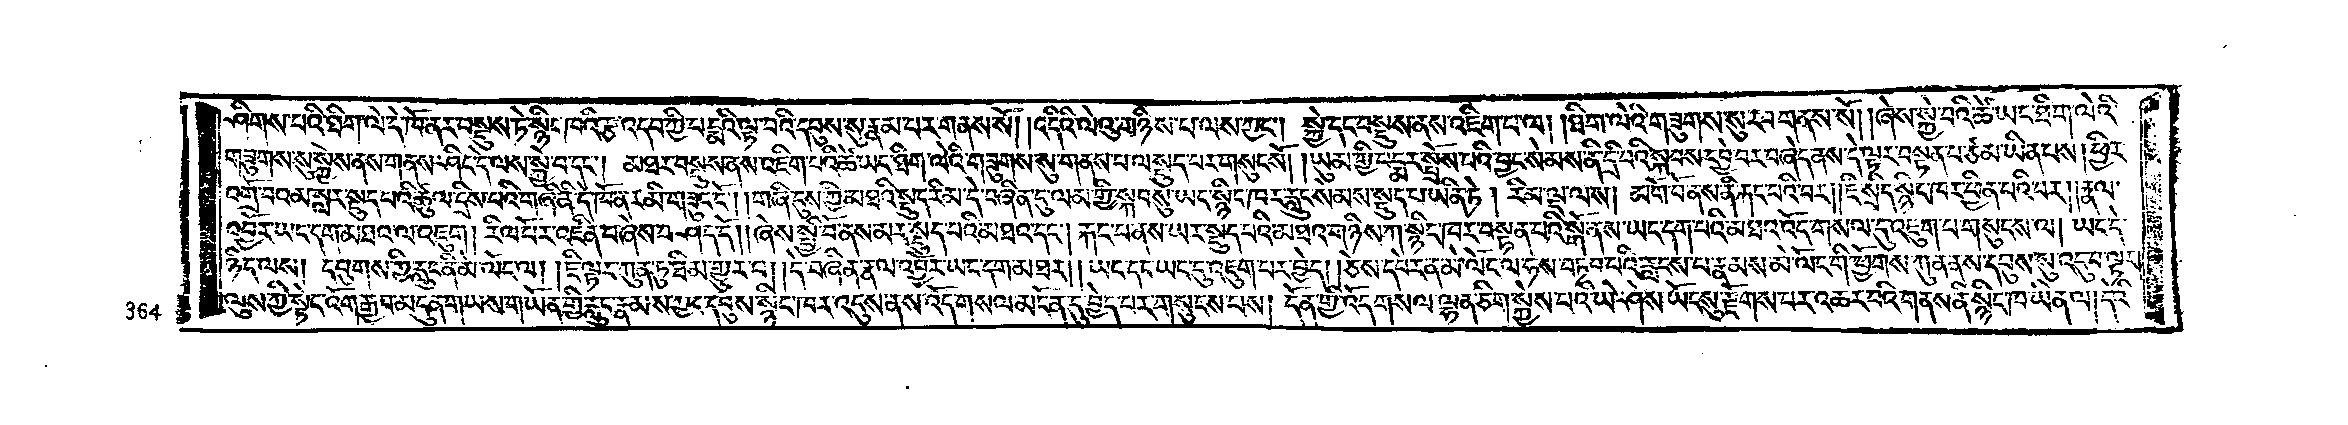ཤིགས་པའི་ཐིག་ལེ་དེ་ཁོ་ནར་བསྡུས་ཏེ་སྙིང་ཁའི་རྩ་འདབ་ཀྱི་པདམའི་ལྟ་བའི་དབུས་སུ་རྣམ་པར་གནས་སོ། །འདིའི་ལེའུ་གཉིས་པ་ལས་ཀྱང་། སྐྱེ་དང་བསྡུས་ནས་འཇིག་པ་ལ། །ཐིག་ལེའི་གཟུགས་སུ་རབ་གནས་སོ། །ཞེས་སྐྱེ་བའི་ཚེ་ཡང་ཐིག་ལེའི་
གཟུགས་སུ་སྐྱེས་ནས་གནས་ཤིང་དེ་ལས་སྐྱེ་བ་དང་། མཐར་བསྡུས་ནས་འཇིག་པའི་ཚེ་ཡང་ཐིག་ལེའི་གཟུགས་སུ་གནས་པ་ལ་སྡུད་པར་གསུངས་སོ། །ཡུམ་གྱི་པདམར་སྤྲོས་པའི་བྱང་སེམས་ནི་དྲི་བའི་སྐབས་དབྱེ་བར་བཞེད་ནས་དེ་ལྟར་བསྟན་པ་ཙམ་ཡིན་པས། ཕྱིར་
འགྲོ་བའམ་སླར་སྡུད་པའི་ཚུལ་དྲིས་པའི་གཞི་ནི་དེ་ཁོ་ནར་མི་གཟུང་ངོ། །གཞི་དུས་ཀྱི་མཐའི་སྡུད་རིམ་དེ་བཞིན་དུ་ལམ་གྱི་སྐབས་སུ་ཡང་སྙིང་ཁར་རླུང་སེམས་སྡུད་པ་ཡིན་ཏེ། རིམ་ལྔ་ལས། མགོ་བོ་ནས་ནི་རྐང་པའི་བར། །ཇི་སྲིད་སྙིང་ཁར་ཕྱིན་པའི་བར། །རྣལ་
འབྱོར་ཡང་དག་མཐའ་ལ་འཇུག །རིལ་པོར་འཛིན་པ་ཞེས་བཤད་དོ། །ཞེས་སྤྱི་བོ་ནས་མར་སྡུད་པའི་མཐའ་དང་། རྐང་པ་ནས་ཡར་སྡུད་པའི་མཐའ་གཉིས་ཀ་སྙིང་ཁར་བསྟན་པའི་སྒོ་ནས་ཡང་དག་པའི་མཐའ་འོད་གསལ་དུ་འཇུག་པ་གསུངས་ལ། ཡང་དེ་
ཉིད་ལས། དབུགས་ཀྱི་རླུང་ནི་མེ་ལོང་ལ། །ཇི་ལྟར་ཀུན་ཏུ་ཐིམ་གྱུར་པ། །དེ་བཞིན་རྣལ་འབྱོར་ཡང་དག་མཐར། །ཡང་དང་ཡང་དུ་འཇུག་པར་བྱེད། །ཅེས་དཔེར་ན་མེ་ལོང་ལ་ཧས་བཏབ་པའི་རླངས་པ་རྣམས་མེ་ལོང་གི་ཕྱོགས་ཀུན་ནས་དབུས་སུ་འདུ་བ་ལྟར་
ལུས་ཀྱི་སྟེང་འོག་རྒྱབ་མདུན་གཡས་གཡོན་གྱི་རླུང་རྣམས་ཀྱང་དབུས་སྙིང་ཁར་འདུས་ནས་འོད་གསལ་མངོན་དུ་བྱེད་པར་གསུངས་པས། དོན་གྱི་འོད་གསལ་ལྷན་ཅིག་སྐྱེས་པའི་ཡེ་ཤེས་ཡོངས་སུ་རྫོགས་པར་འཆར་བའི་གནས་ནི་སྙིང་ཁ་ཡིན་ལ། དེའི་